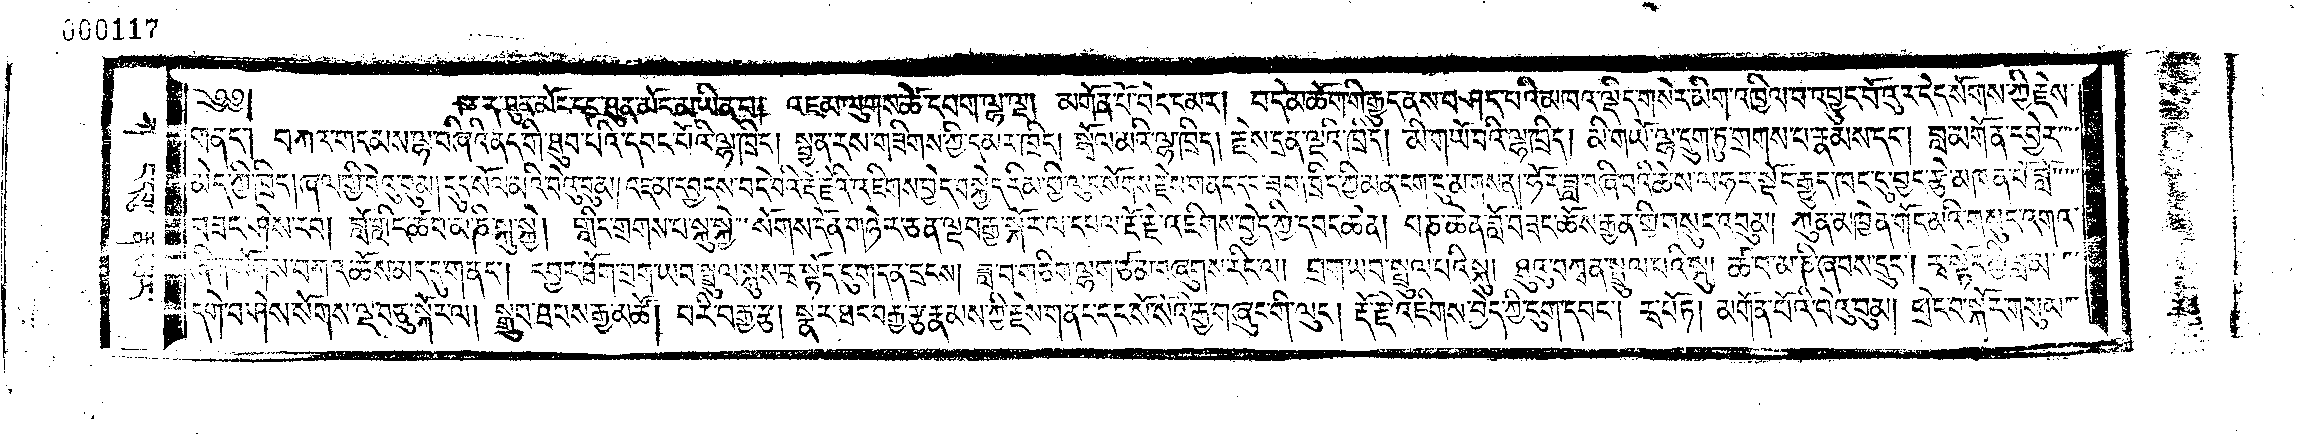༄༅། །ཅན་ཐུན་མོང་དང་ཐུན་མོང་མ་ཡིན་པ། འཇམ་ལུགས་ཚེ་དཔག་ལྷ་ལྔ། མགོན་པོ་བེང་དམར། བདེ་མཆོག་གི་རྒྱུད་ནས་བཤད་པའི་མཁའ་ལྡིང་གསེར་མིག་འཁྱིལ་བ་འབྱུང་པོ་འུར་དེད་སོགས་ཀྱི་རྗེས་
གནང་། བཀའ་གདམས་ལྷ་བཞིའི་ནང་གི་ཐུབ་པའི་དབང་པོའི་ལྷ་ཁྲིད། སྤྱན་ངས་གཟིགས་ཀྱི་དམར་ཁྲིད། སྒྲོལ་མའི་ལྷ་ཁྲིད། རྗེས་དྲན་ལྔའི་ཁྲིད། མི་གཡོ་བའི་ལྷ་ཁྲིད། མི་གཡོ་ལྷ་དྲུག་ཏུ་གྲགས་པ་རྣམས་དང་། བླ་མགོན་དབྱེར་
མེད་ཀྱི་ཁྲིད། ཞལ་གྱི་བེའུ་བུམ། དུད་སོལ་མའི་བེའུ་བུམ། འཇམ་དབྱངས་བདེ་བའི་རྡོ་རྗེའི་འཇིགས་བྱེད་བསྐྱེད་རིམ་གྱི་ལུང་སོགས་རྗེས་གནང་དང་ཟབ་ཁྲིད་ཀྱི་མན་ངག་དུ་མ་གསན། ཧོར་ཟླ་བཞི་པའི་ཚེས་ལ་ཧར་སྡོད་རྒྱུད་ཁང་དུ་བྱང་རྩེ་མཁན་པོ་བློ་
བཟང་ཤེས་རབ། བློ་གླིང་ཚ་བ་མ་ཎི་སྐུ་སྐྱེ། གླིང་གྲགས་པ་སྐུ་སྐྱེ་སོགས་དོན་གཉེར་ཅན་ལྔ་བརྒྱ་སྐོར་ལ་དཔལ་རྡོ་རྗེ་འཇིགས་བྱེད་ཀྱི་དབང་ཆེན། པཎ་ཆེན་བློ་བཟང་ཆོས་རྒྱན་གྱི་གསུང་འབུམ། ཀུན་མཁྱེན་གོང་མའི་གསུང་འགའ་
ཞིག་སོགས་བཀའ་ཆོས་མང་དུ་གནང་། དབྱར་ཐོག་བྲག་ཡབ་སྤྲུལ་སྐུས་རྭ་སྟོད་དུ་གདན་དྲངས། ཟླ་བ་གཅིག་ལྷག་ཙམ་བཞུགས་རིང་ལ། བྲག་ཡབ་སྤྲུལ་པའི་སྐུ། ཐུའུ་བཀྲན་སྤྲུལ་པའི་སྐུ། ཚ་བ་མ་ཎི་ཞབས་དྲུང་། རྭ་སྟོད་ཀྱི་བླ་མ་
དགེ་བཤེས་སོགས་ལྔ་བཅུ་སྐོར་ལ། སྒྲུབ་ཐབས་རྒྱ་མཚོ། བ་རི་བརྒྱ་རྩ། སྣར་ཐང་བརྒྱ་རྩ་རྣམས་ཀྱི་རྗེས་གནང་དང་སོ་སོའི་རྒྱ་གཞུང་གི་ལུང་། རྡོ་རྗེ་འཇིགས་བྱེད་ཀྱི་དུག་དབང་། རྭ་པོ་ཏ། མགོན་པོའི་བེའུ་བུམ། ཕྲེང་བ་སྐོར་གསུམ་